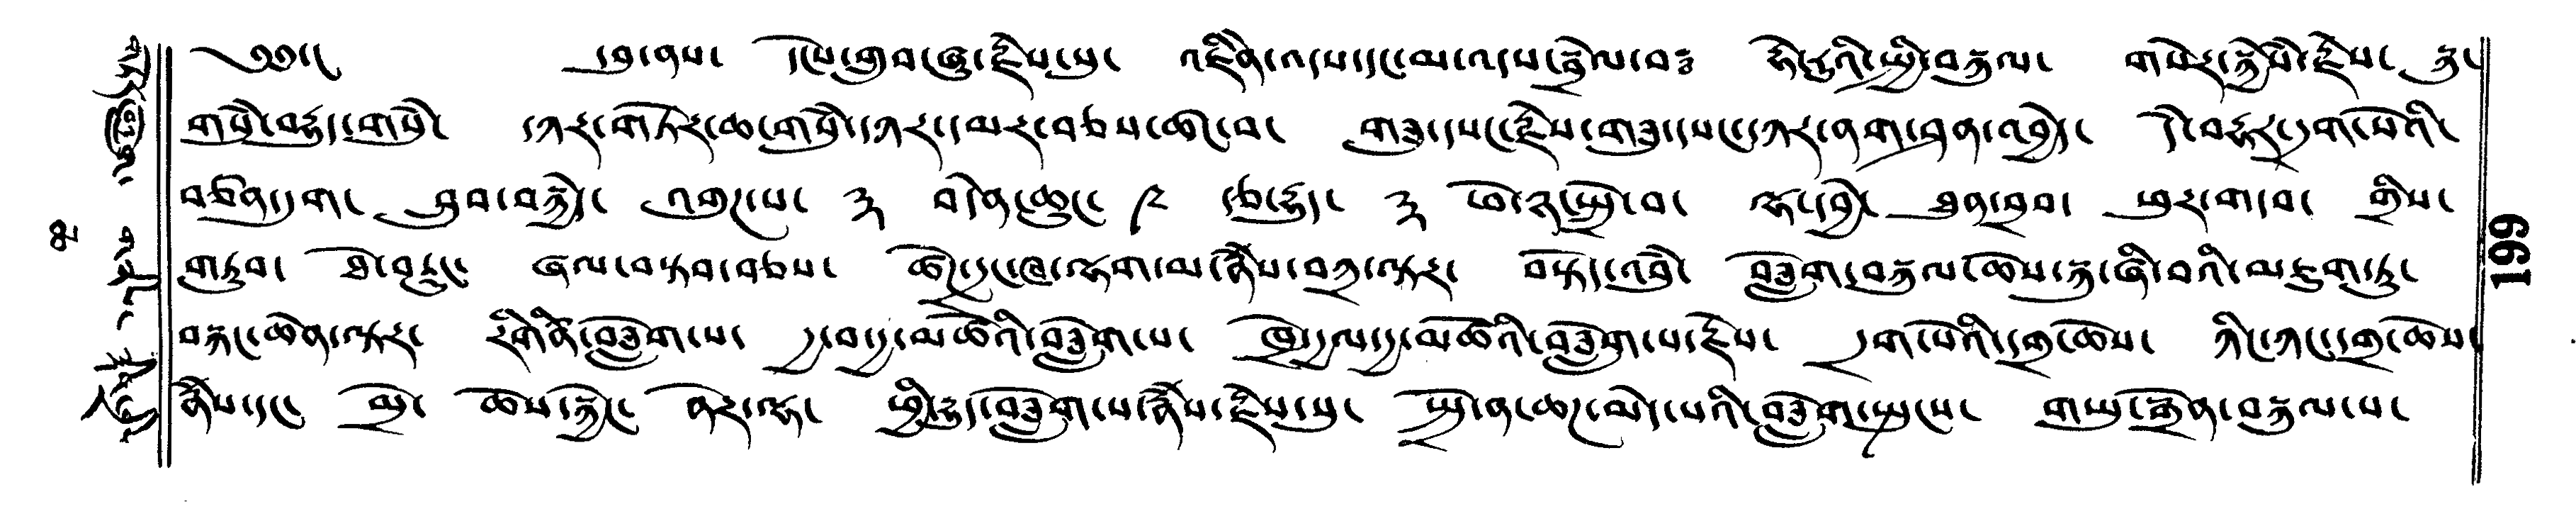དབུ་ནས། དངོས་གྲུབ་ཞུ༴ རྗེས་སུ། འཇིག་རྟེན་འདས་དང་མ་འདས༴ སྦྲེལ་བ། དྷེ་རུའི་སྤྱི་བསྐུལ། གསེར་སྐྱེམས་རྗེས། སྐུ་
གསུམ་བརྒྱུད་གསུམ༴དཀར་གཏོར་ཆ་གསུམ་དཀར་དམར་བཅས་ཚང་བ། གཟུ་དཔང་རྗེས་གཟུ་དཔང་དཀར་ནག་ཤན་འབྱེད། དམ་བརྡར་དྲག་པོའི་
བཙན་དུག བྲུབ་བསྐྱེད། འགུགས་པ་གསུམ། བདེན་ཆུང་དགུ། རྩ་རྒྱུད༴ གསུམ། ཕོ་ཉ་སྤྲོ་བ། ལྷ་དབྱེ། ཐུན་བྲབ། ཕུར་གདབ། གྲིས་
གཏུབ། ཐོ་བརྡུང་། ཞལ་བསྟབ་བཅས། ཚོགས་དྲང་བ་ལྷག་མ་རྣམས་རྣོ་བཀྲ་ལྟར། བསྟོད་འབུམ། བཟློག་བསྐུལ། ཆོས་སྐུ་ཞི་བའི༴ མཇུག་ཏུ་
བསྐང་ཆེན་ལྟར། རིག་འཛིན་བཟློག་པ། རྒྱལ་བ་རྒྱ་མཚོའི་བཟློག་པ། ཁྲོ་རྒྱལ་རྒྱ་མཚོའི་བཟློག་པའི་རྗེས། དྲག་པོའི་དགྲ་ཆོས། ཀིང་ཀང་དགྲ་ཆོས་
རྣམས་དང་། མཁའ་འགྲོ། ཆོས་སྐྱོང་། ནོར་ལྷ། ཕྱི་རྒྱུད་བཟློག་པ་རྣམས་ཀྱི་རྗེས་སུ། སྤྲོ་ན་ཆགས་མེད་པའི་བཟློག་སྤུངས། གཡུ་སྒྲོན་བསྐུལ་པ།